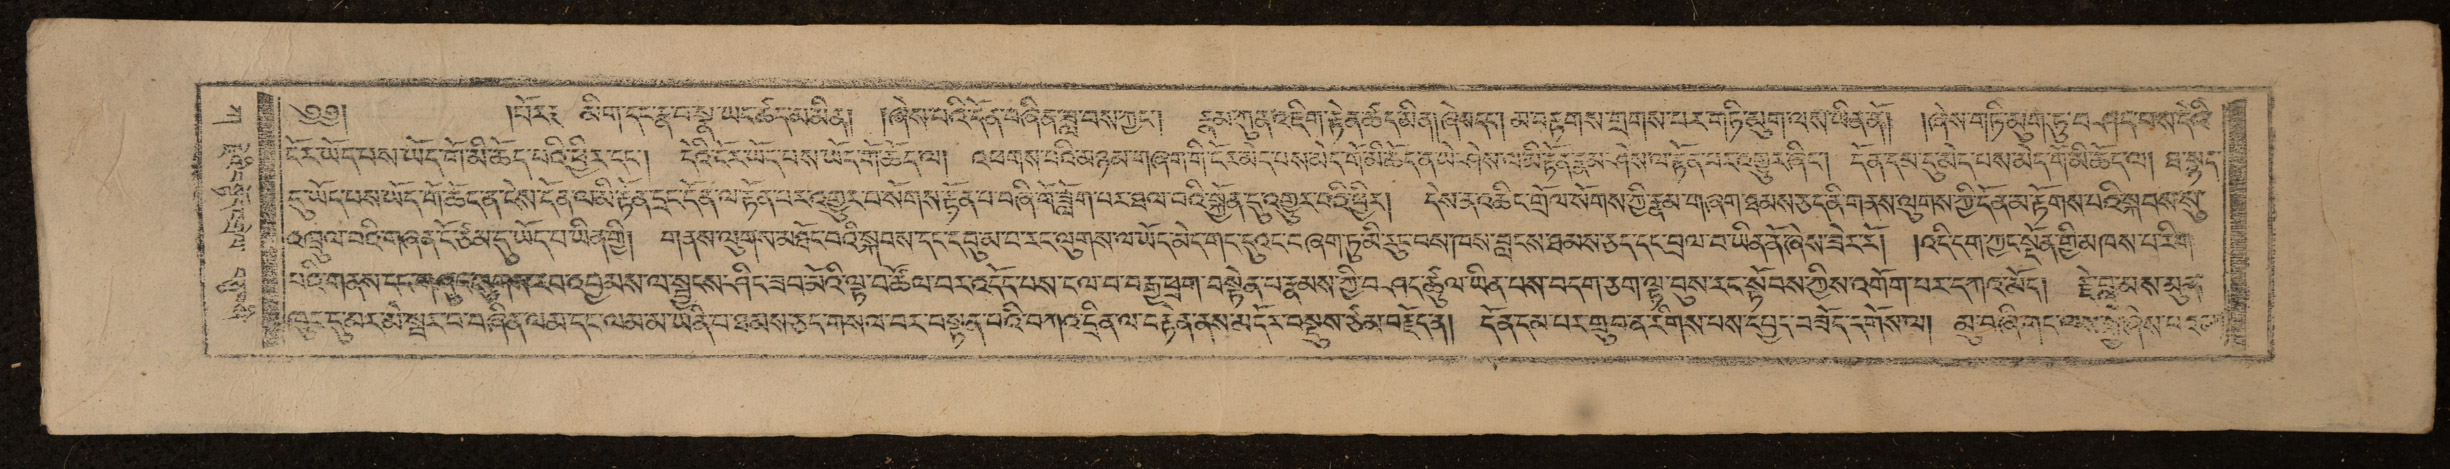༄༅། །བོར༑ མིག་དང་རྣ་བ་སྣ་ཡང་ཚད་མ་མིན། །ཞེས་པའི་དོན་བཞིན་ཟླ་བས་ཀྱང་། རྣམ་ཀུན་འཇིག་རྟེན་ཚད་མིན། ཞེས་དང་། མ་བརྟགས་གྲགས་པར་གཏི་མུག་ལས་ཡིན་ནོ། །ཞེས་གཏི་མུག་ཏུ་བཤད་པས་དེའི་
ངོར་ཡོད་པས་ཡོང་གོ་མི་ཆོད་པའི་ཕྱིར་དང་། དེའི་ངོར་ཡོད་པས་ཡོད་གོ་ཆོད་ལ། འཕགས་པའི་མཉམ་གཞག་གི་ངོར་མེད་པས་མེད་གོ་མི་ཆོད་ན་ཡེ་ཤེས་ལ་མི་རྟོན་རྣམ་ཤེས་ལ་རྟོན་པར་འགྱུར་ཞིང་། དོན་དམ་དུ་མེད་པས་མེད་གོ་མི་ཆོད་ལ། ཐ་སྙད་
དུ་ཡོད་པས་ཡོད་གོ་ཆོད་ན་ངེས་དོན་ལ་མི་རྟོན་དྲང་དོན་ལ་རྟོན་པར་འགྱུར་བ་སོགས་རྟོན་པ་བཞི་གོ་ཟློག་པར་ཐལ་བའི་སྐྱོན་དུ་འགྱུར་བའི་ཕྱིར། དེས་ན་འཆིང་གྲོལ་སོགས་ཀྱི་རྣམ་གཞག་ཐམས་ཅད་ནི་གནས་ལུགས་ཀྱི་དོན་མ་རྟོགས་པའི་སྐབས་སུ་
འཁྲུལ་བའི་གཞན་ངོ་ཙམ་དུ་ཡོད་པ་ཡིན་གྱི། གནས་ལུགས་མཐོང་བའི་སྐབས་དང་དབུ་མ་པ་རང་ལུགས་ལ་ཡོད་མེད་གང་དུའང་བཞག་ཏུ་མི་རུང་བས་ཁས་བླངས་ཐམས་ཅད་དང་བྲལ་པ་ཡིན་ནོ་ཞེས་ཟེར་རོ། །འདི་དག་ཀྱང་སྔོན་གྱི་མཁས་པ་རིག་
པའི་གནས་དང་གཞུང་ལུགས་རབ་འབྱམས་ལ་སྦྱངས་ཤིང་ཟབ་མོའི་ལྟ་བ་ཚོལ་བར་འདོད་པས་ངལ་བ་བརྒྱ་ཕྲག་བསྟེན་པ་རྣམས་ཀྱི་བཤད་ཚུལ་ཡིན་པས་བདག་ཅག་ལྟ་བུས་རང་སྟོབས་ཀྱིས་འགོག་པར་དཀའ་མོད། རྗེ་བླ་མས་མུན་
ཁུང་དུ་མར་མེ་སྔར་བ་བཞིན་ལམ་དང་ལམ་མ་ཡིན་པ་ཐམས་ཅད་གསལ་བར་བསྟན་པའི་བཀའ་དྲིན་ལ་བརྟེན་ནས་མདོར་བསྡུས་ཙམ་བརྗོད་ན། དོན་དམ་པར་གྲུབ་ན་རིགས་པས་དཔྱད་བཟོད་དགོས་ལ། མུ་བཞི་གང་ལས་སྐྱེ་ཞེས་པའམ།